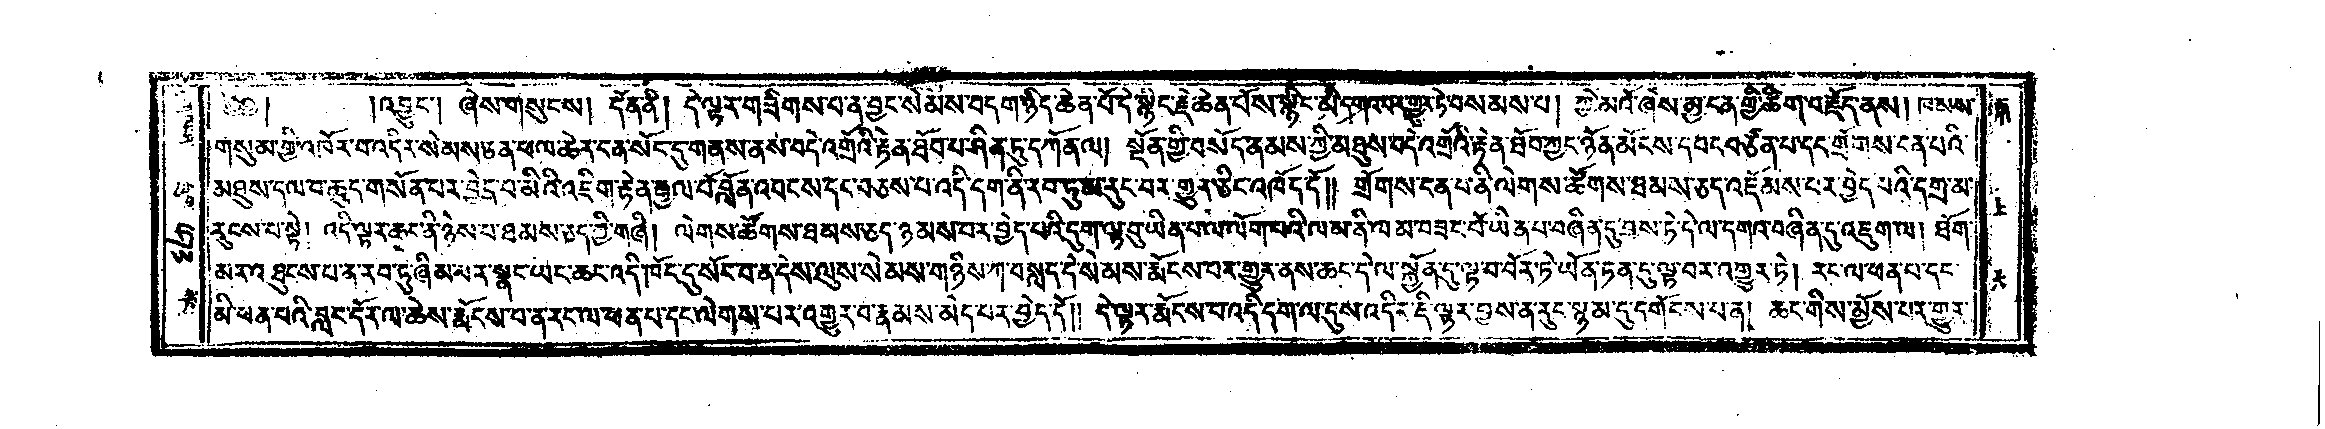༄༅། །འབྱུང་། ཞེས་གསུངས། དོན་ནི། དེ་ལྟར་གཟིགས་པ་ན་བྱང་སེམས་བདག་ཉིད་ཆེན་པོ་དེ་སྙིང་རྗེ་ཆེན་པོས་སྙིང་མི་དགའ་བར་གྱུར་ཏེ་བསམས་པ། ཀྱེ་མའོ་ཞེས་མྱ་ངན་གྱི་ཚིག་བརྗོད་ནས། ཁམས་
གསུམ་གྱི་འཁོར་བ་འདིར་སེམས་ཅན་ཕལ་ཆེར་ངན་སོང་དུ་གནས་ནས་བདེ་འགྲོའི་རྟེན་ཐོབ་པ་ཤིན་ཏུ་དཀོན་ལ། སྔོན་གྱི་བསོད་ནམས་ཀྱི་མཐུས་བདེ་འགྲོའི་རྟེན་ཐོབ་ཀྱང་ཉོན་མོངས་དབང་བཙན་པ་དང་གྲོགས་ངན་པའི་
མཐུས་དལ་བ་ཆུད་གསོན་པར་བྱེད་པ་མིའི་འཇིག་རྟེན་རྒྱལ་པོ་བློན་འབངས་དང་བཅས་པ་འདི་དག་ནི་རབ་ཏུ་མ་རུང་བར་གྱུར་ཅིང་འཁོད་དོ།། གྲོགས་ངན་པ་ནི་ལེགས་ཚོགས་ཐམས་ཅད་འཇོམས་པར་བྱེད་པའི་དགྲ་མ་
རུངས་པ་སྟེ། འདི་ལྟར་ཆང་ནི་ཉེས་པ་ཐམས་ཅད་ཀྱི་གཞི། ལེགས་ཚོགས་ཐམས་ཅད་ཉམས་པར་བྱེད་པའི་དུག་ལྟ་བུ་ཡིན་པ་ལ་ལོག་པའི་ལམ་ནི་ལམ་བཟང་པོ་ཡིན་པ་བཞིན་དུ་བྱས་ཏེ་དེ་ལ་དགའ་བཞིན་དུ་འཇུག་ལ། ཐོག་
མར་འཐུངས་པ་ན་རབ་ཏུ་ཞིམ་པར་སྣང་ཡང་ཆང་འདི་ཁོང་དུ་སོང་བ་ན་དེས་ལུས་སེམས་གཉིས་ཀ་བསླད་དེ་སེམས་རྨོངས་པར་གྱུར་ནས་ཆང་དེ་ལ་སྐྱོན་དུ་ལྟ་བ་བོར་ཏེ་ཡོན་ཏན་དུ་ལྟ་བར་འགྱུར་ཏེ། རང་ལ་ཕན་པ་དང་
མི་ཕན་པའི་བླང་དོར་ལ་ཆེས་རྨོངས་པ་ན་རང་ལ་ཕན་པ་དང་ལེགས་པར་འགྱུར་བ་རྣམས་མེད་པར་བྱེད་དོ།། དེ་ལྟར་རྨོངས་པ་འདི་དག་ལ་དུས་འདིར་ཇི་ལྟར་བྱས་ན་རུང་སྙམ་དུ་དགོངས་པ་ན། ཆང་གིས་མྱོས་པར་གྱུར་